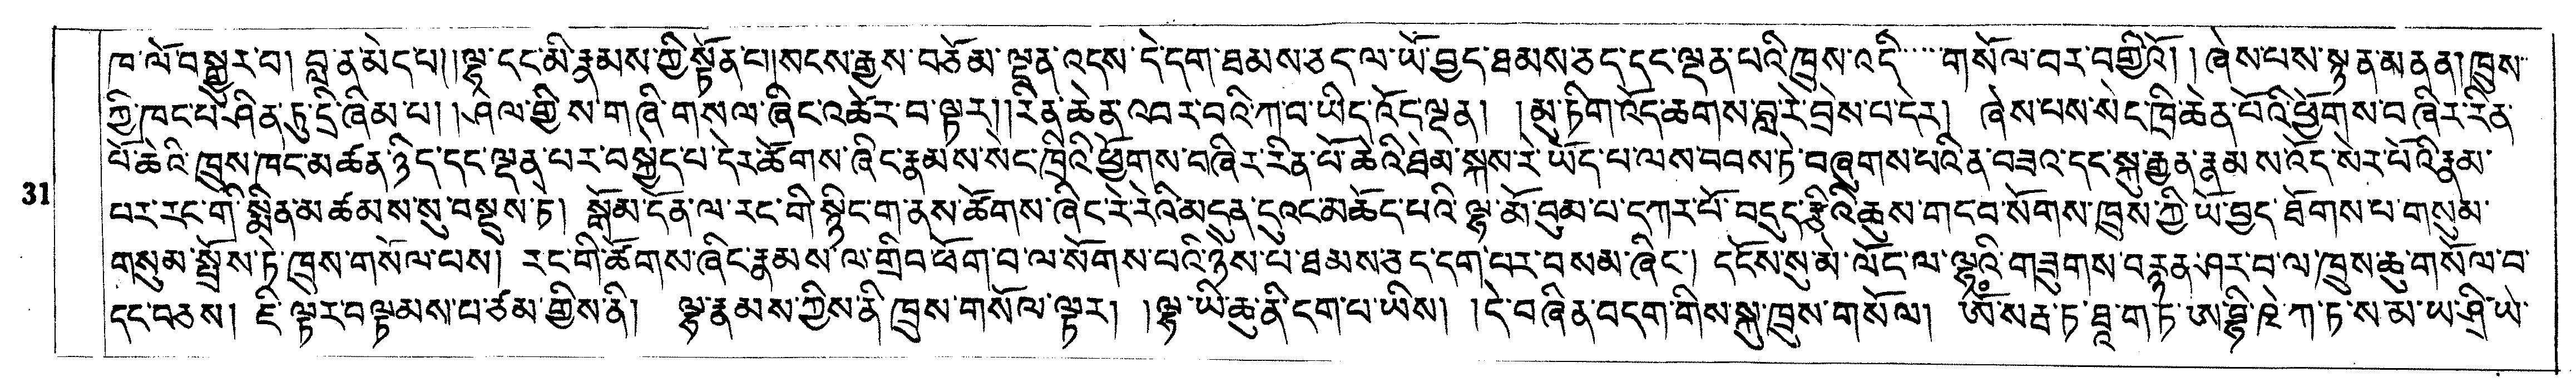ཁ་ལོ་བསྒྱུར་བ། བླ་ན་མེད་པ། །ལྷ་དང་མི་རྣམས་ཀྱི་སྟོན་པ། སངས་རྒྱས་བཅོམ་ལྡན་འདས་དེ་དག་ཐམས་ཅད་ལ་ཡོ་བྱད་ཐམས་ཅད་དང་ལྡན་པའི་ཁྲུས་འདི་གསོལ་བར་བགྱིའོ། །ཞེས་པས་སྙན་མནན། ཁྲུས་
ཀྱི་ཁང་པ་ཤིན་ཏུ་དྲི་ཞིམ་པ། །ཤེལ་གྱིས་གཞི་གསལ་ཞིང་འཚེར་བ་ལྟར། །རིན་ཆེན་འབར་བའི་ཀ་བ་ཡིད་འོང་ལྡན། །མུ་ཏིག་འོད་ཆགས་བླ་རེ་བྲེས་པ་དེར། ཞེས་པས་སེང་ཁྲི་ཆེན་པོའི་ཕྱོགས་བཞིར་རིན་
པོ་ཆེའི་ཁྲུས་ཁང་མཚན་ཉིད་དང་ལྡན་པར་བསྐྱེད་པ་དེར་ཚོགས་ཞིང་རྣམས་སེང་ཁྲིའི་ཕྱོགས་བཞིར་རིན་པོ་ཆེའི་ཐེམ་སྐས་རེ་ཡོད་པ་ལས་བབས་ཏེ་བཞུགས་པའི་ན་བཟའ་དང་སྐུ་རྒྱན་རྣམས་འོད་སེར་པོའི་རྣམ་
པར་རང་གི་སྨིན་མཚམས་སུ་བསྡུས་ཏེ། སྒོམ་དོན་ལ་རང་གི་སྙིང་ག་ནས་ཚོགས་ཞིང་རེ་རེའི་མདུན་དུའང་མཆོད་པའི་ལྷ་མོ་བུམ་པ་དཀར་པོ་བདུད་རྩིའི་ཆུས་གང་བ་སོགས་ཁྲུས་ཀྱི་ཡོ་བྱད་ཐོགས་པ་གསུམ་
གསུམ་སྤྲོས་ཏེ་ཁྲུས་གསོལ་པས། རང་གི་ཚོགས་ཞིང་རྣམས་ལ་གྲིབ་ཕོག་བ་ལ་སོགས་པའི་ཉེས་པ་ཐམས་ཅད་དག་པར་བསམ་ཞིང་། དངོས་སུ་མེ་ལོང་ལ་ལྷའི་གཟུགས་བརྙན་ཤར་བ་ལ་ཁྲུས་ཆུ་གསོལ་བ་
དང་བཅས། ཇི་ལྟར་བལྟམས་པ་ཙམ་གྱིས་ནི། ལྷ་རྣམས་ཀྱིས་ནི་ཁྲུས་གསོལ་ལྟར། ལྷ་ཡི་ཆུ་ནི་དག་པ་ཡིས། །དེ་བཞིན་བདག་གིས་སྐུ་ཁྲུས་གསོལ། ཨོཾ་སརྦ་ཏ་ཐཱ་ག་ཏ་ཨ་བྷི་ཥེ་ཀ་ཏ་ས་མ་ཡ་ཤྲི་ཡེ་